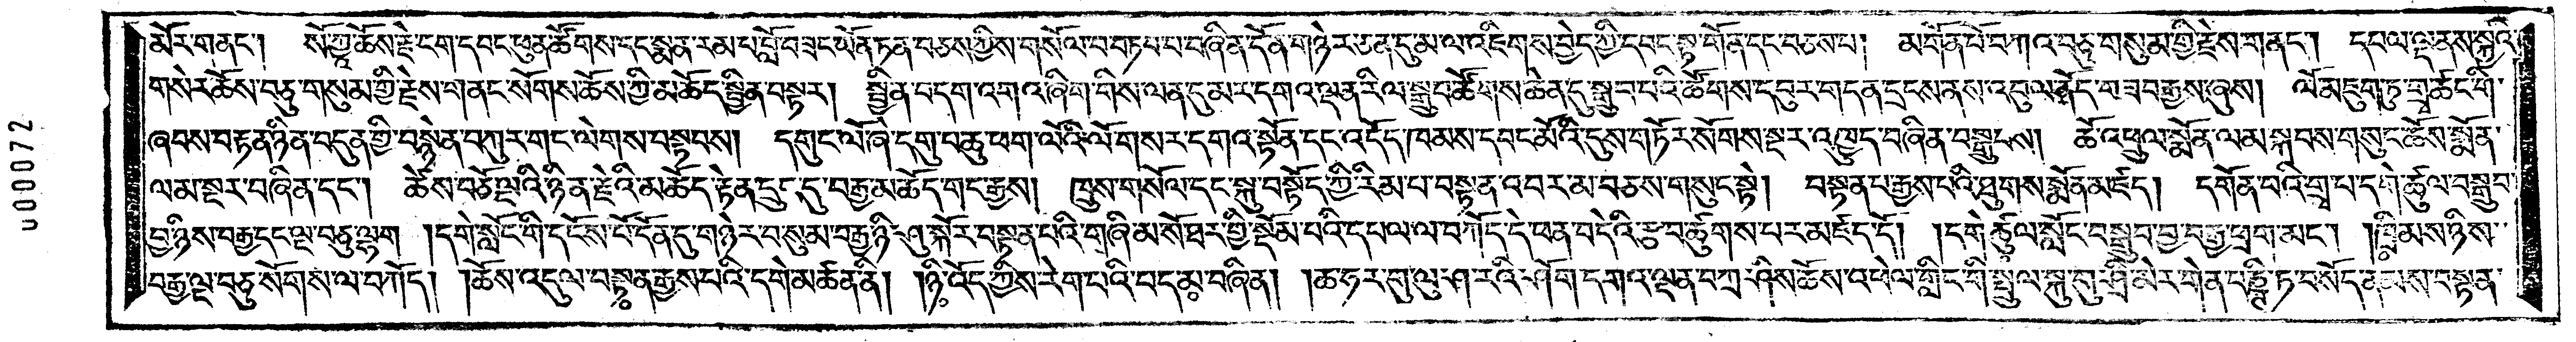མོར་གནང་། སོཀྱཱ་ཆོས་རྗེ་ངག་དབང་ཕུན་ཚོགས་དང་སྨན་རམ་པ་བློ་བཟང་ཡོན་ཏན་བཅས་ཀྱིས་གསོལ་བ་བཏབ་བ་བཞིན་དོན་གཉེར་ཅན་དུ་མ་ལ་འཇིགས་བྱེད་ཀྱི་དབང་སྟ་གོན་དང་བཅས་པ། མགོན་པོ་བཀའ་བཅུ་གསུམ་གྱི་རྗེས་གནང་། དཔལ་ལྡན་ས་སྐྱའི་
གསེར་ཆོས་བཅུ་གསུམ་གྱི་རྗེས་གནང་སོགས་ཆོས་ཀྱི་མཆོད་སྦྱིན་བསྟར། སྦྱིན་བདག་འགའ་ཞིག་གིས་ལན་དུ་མར་དགའ་ལྡན་རིལ་སྒྲུབ་ཚོགས་ཆེན་དུ་སྒྲུབ་པའི་ཚོགས་དབུར་གདན་དྲངས་ནས་འབུལ་ནོད་གཟབ་རྒྱས་ཞུས། ལོ་མཇུག་ཏུ་གྲྭ་ཚང་གི་
ཞབས་བརྟན་ཉིན་བདུན་གྱི་བསྙེན་བཀུར་གང་ལེགས་བསྟབས། དགུང་ལོ་ཞེ་དགུ་པ་ཆུ་ཕག་ལོའི་ལོ་གསར་དགའ་སྟོན་དང་འདོད་ཁམས་དབང་མོའི་དུས་གཏོར་སོགས་སྔར་འཁྱུད་བཞིན་བསྒྲུབས། ཆོ་འཕྲུལ་སྨོན་ལམ་སྐབས་གསུང་ཆོས་སྨོན་
ལམ་སྔར་བཞིན་དང་། ཚེས་བཅོ་ལྔའི་ཉིན་རྗེའི་མཆོད་རྟེན་དྲུང་དུ་བརྒྱ་མཆོད་གང་རྒྱས། ཁྲུས་གསོལ་དང་སྐུ་བསྟོད་ཀྱི་རིམ་པ་བསྟན་འབར་མ་བཅས་གསུང་སྟེ། བསྟན་པ་རྒྱས་པའི་ཐུགས་སྨོན་མཛད། དགོན་པའི་གྲྭ་པ་དགེ་ཚུལ་བསྒྲུབ་
བྱ་ཉིས་བརྒྱ་དང་ལྔ་བཅུ་ལྷག །དགེ་སློང་གི་དངོས་པོ་དོན་དུ་གཉེར་བ་སུམ་བརྒྱ་ཉི་ཤུ་སྐོར་བསྟན་པའི་གཞི་མ་སོ་ཐར་གྱི་སྡོམ་བའི་དཔལ་ལ་བཀོད་དེ་ཕན་བདེའི་རྩ་བ་ཚུགས་པར་མཛད་དོ། །དགེ་ཚུལ་སློང་བསྒྲུབ་བྱ་བརྒྱ་ཕྲག་མང་། །ཁྲིམས྾་ཉིས་
བརྒྱ་ལྔ་བཅུ་སོགས་ལ་བཀོད། །ཆོས་འདུལ་བསྟན྾་རྒྱས་པའི་དགེ་མཚན་ནི། །ཉི་འོད་ཀྱིས་རེག་པའི་བད་མ྾་བཞིན། །ཆ་ཧར་གུ་ལུ་ཤ་རའི་ཤོག་དགའ་ལྡན་བཀྲ་ཤིས་ཆོས་འཕེལ་གླིང་གི་སྤྲུལ་སྐུ་གུ་ཤྲི་མེར་གེན་པཎྚི་ཏ་བསོད་ནམས་བསྟན་